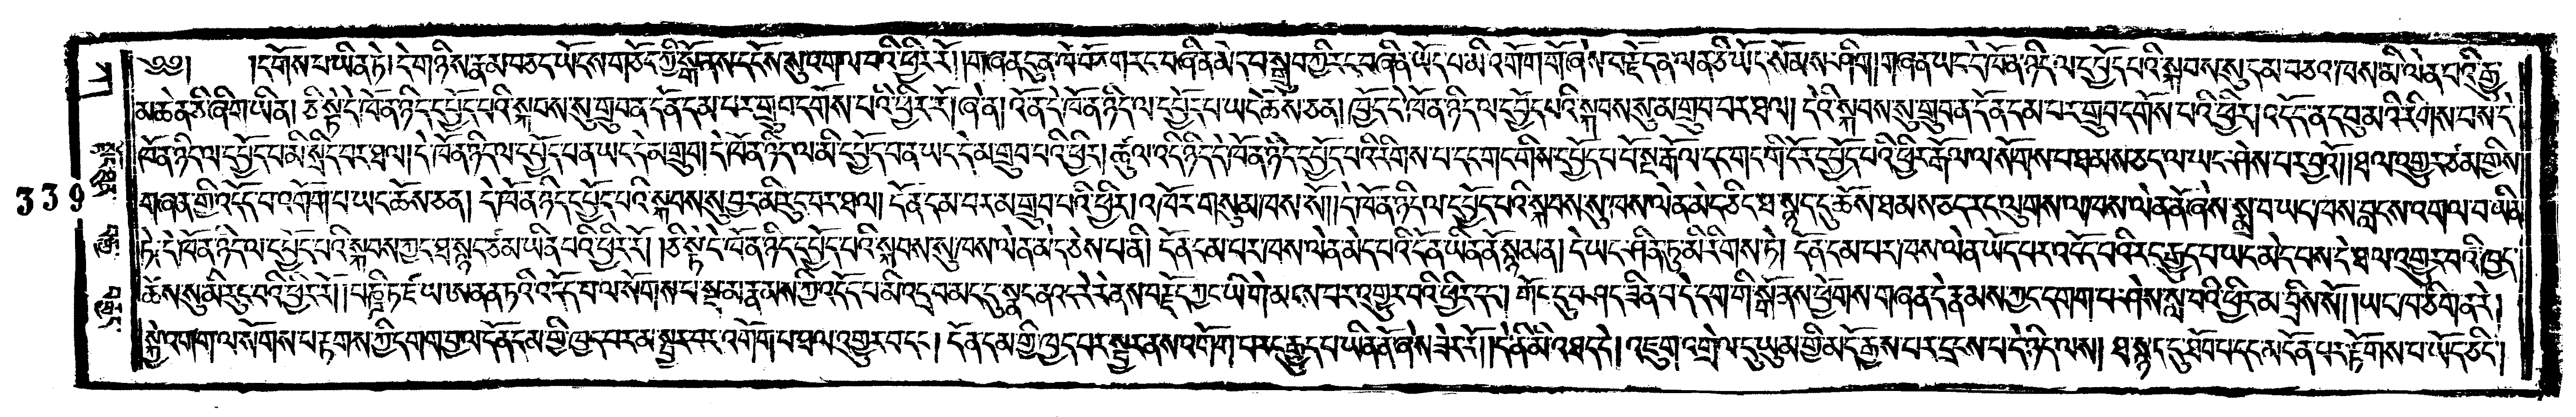༄༅། །དགོས་པ་ཡིན་ཏེ། དེ་གཉིས་རྣམ་བཅད་ཡོངས་གཅོང་ཀྱི་སྒོ་ནས་དངོས་སུ་འགལ་བའི་ཕྱིར་རོ། །གཞན་དུ་ན་ཁོ་བོ་ཅག་རང་བཞིན་མེད་པ་སྒྲུབ་ཀྱི་རང་བཞིན་ཡོད་པ་མི་འགོག་གོ་ཞེས་བརྗོད་ན་ལན་ཅི་ཡོད་སོམས་ཤིག །གཞན་ཡང་དེ་ཁོ་ན་ཉིད་ལ་དཔྱོད་པའི་སྐབས་སུ་དམ་བཅའ་ཁས་མི་ལེན་པའི་རྒྱུ་
མཆེན་ཅི་ཞིག་ཡིན། ཅི་སྟེ་དེ་ཁོ་ན་ཉིད་དཔྱོད་པའི་སྐབས་སུ་གྲུབ་ན་དོན་དམ་པར་གྲུབ་དགེས་པའི་ཕྱིར་རོ། ཞེ་ན། འོ་ན་དེ་ཁོ་ན་ཉིད་ལ་དཔྱོད་པ་ཡང་ཆོས་ཅན། ཁྱོད་དེ་ཁོ་ན་ཉིད་ལ་དཔྱོད་པའི་སྐབས་སུ་མ་གྲུབ་བར་ཐལ། དེའི་སྐབས་སུ་གྲུབ་ན་དོན་དམ་པར་གྲུབ་དགོས་པའི་ཕྱིར། འདོད་ན་དབུ་མའི་རིགས་བས་དེ་
ཁོ་ན་ཉིད་ལ་དཔྱོད་པ་མི་སྲིད་པར་ཐལ། དེ་ཁོ་ན་ཉིད་ལ་དཔྱོད་པ་ན་ཡང་དེ་མ་གྲུབ། དེ་ཁོ་ན་ཉིད་ལ་མི་དཔྱོད་པ་ན་ཡང་དེ་མ་གྲུབ་པའི་ཕྱིར། ཚུལ་འདི་ཉིད་དེ་ཁོ་ན་ཉིད་དཔྱོད་པའི་རིགས་པ་དང་གང་གིས་དཔྱོད་པ་པོ་སྔ་རྒོལ་དང་གང་གི་ངོར་དཔྱོད་པའི་ཕྱིར་རྒོལ་ལ་སོགས་པ་ཐམས་ཅད་ལ་ཡང་ཤེས་པར་བྱའོ། །ཐལ་འགྱུར་ཙམ་གྱིས་
གཞན་གྱི་འདོད་པ་འགོག་པ་ཡང་ཆོས་ཅན། དེ་ཁོ་ན་ཉིད་དཔྱོད་པའི་སྐབས་སུ་བྱར་མི་རུང་བར་ཐལ། དོན་དམ་པར་མ་གྲུབ་པའི་ཕྱིར། འཁོར་གསུམ་ཁས་སོ། །དེ་ཁོ་ན་ཉིད་ལ་དཔྱོད་པའི་སྐབས་སུ་ཁས་ལེན་མེད་ཅིང་ཐ་སྙད་དུ་ཆོས་ཐམས་ཅད་རང་ལུགས་ལ་ཁས་ལེན་ནོ་ཞེས་སྨྲ་བ་ཡང་ཁས་བླངས་འགལ་བ་ཡིན་
ཏེ༑ དེ་ཁོ་ན་ཉིད་ལ་དཔྱོད་པའི་སྐབས་ཀྱང་ཐ་སྙད་ཙམ་ཡིན་པའི་ཕྱིར་རོ། །ཅི་སྟེ་དེ་ཁོ་ན་ཉིད་དཔྱོད་པའི་སྐབས་སུ་ཁས་ལེན་མེད་ཅེས་པ་ནི། དོན་དམ་པར་ཁས་ལེན་མེད་པའི་དོན་ཡིན་ནོ་སྙམ་ན། དེ་ཡང་ཤིན་ཏུ་མི་རིགས་ཏེ། དོན་དམ་པར་ཁས་ལེན་ཡོད་པར་འདོད་པའི་རང་རྒྱུད་པ་ཡང་མེད་པས་དེ་ཐལ་འགྱུར་བའི་ཁྱད་
ཆོས་སུ་མི་རུང་བའི་ཕྱིར་རོ། །པཎྜི་ཏ་ཛ་ཡ་ཨ་ནན་ཏའི་འདོད་པ་ལ་སོགས་པ་སྔ་མ་རྣམས་ཀྱི་འདོད་པ་མི་འདྲ་བ་མང་དུ་སྣང་ནའང་རེ་རེ་ནས་བརྗོད་ཀྱང་ཀྱི་གེ་མངས་པར་འགྱུར་བའི་ཕྱིར་དང་། གོང་དུ་བཤད་ཟིན་པ་དེ་དག་གི་སྒོ་ནས་ཕྱོགས་གཞན་དེ་རྣམས་ཀྱང་དགག་པ་ཤེས་སླ་བའི་ཕྱིར་མ་བྲིས་སོ། །ཡང་ཁ་ཅིག་ན་རེ།
སྐྱེ་འགག་ལ་སོགས་པ་རྟགས་ཀྱི་དགག་བྱལ་དོན་དམ་གྱི་ཁྱད་པར་མ་སྤྱར་བར་འགོག་པ་ཐལ་འགྱུར་བ་དང་། དོན་དམ་གྱི་ཁྱད་པར་སྦྱར་ནས་འགོག་པ་རང་རྒྱུད་པ་ཡིན་ནོ་ཞེས་ཟེར་རོ། །དེ་ནི་མི་འཐད་དེ། འཇུག་འགྲེལ་དུ་ཡུམ་གྱི་མདོ་རྒྱས་པར་དྲངས་པ་དེ་ཉིད་ལས། ཐ་སྙད་དུ་ཐོབ་པ་དང་མངོན་པར་རྟོགས་པ་ཡོད་ཅིང་།